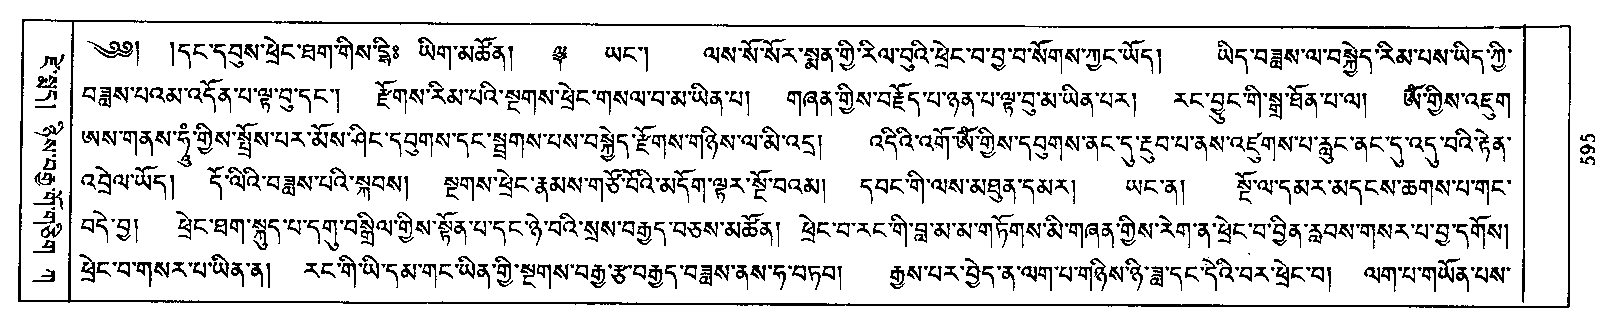༄༅། །དང་དབུས་ཕྲེང་ཐག་གིས་དྷིཿ ཡིག་མཚོན། ༈ ཡང་། ལས་སོ་སོར་སྨན་གྱི་རིལ་བུའི་ཕྲེང་བ་བྱ་བ་སོགས་ཀྱང་ཡོད། ཡིད་བཟླས་ལ་བསྐྱེད་རིམ་པས་ཡིད་ཀྱི་
བཟླས་པའམ་འདོན་པ་ལྟ་བུ་དང་། རྫོགས་རིམ་པའི་སྔགས་ཕྲེང་གསལ་པ་མ་ཡིན་པ། གཞན་གྱིས་བརྗོད་པ་ཉན་པ་ལྟ་བུ་མ་ཡིན་པར། རང་བྱུང་གི་སྒྲ་ཐོན་པ་ལ། ཨོཾ་གྱིས་འཇུག་
ཨས་གནས་ཧཱུཾ་གྱིས་སྤྲོས་པར་མོས་ཤིང་དབུགས་དང་སྦྲགས་པས་བསྐྱེད་རྫོགས་གཉིས་ལ་མི་འདྲ། འདིའི་འགོ་ཨོཾ་གྱིས་དབུགས་ནང་དུ་རྔུབ་པ་ནས་འཛུགས་པ་རླུང་ནང་དུ་འདུ་བའི་རྟེན་
འབྲེལ་ཡོད། དོ་ལིའི་བཟླས་པའི་སྐབས། སྔགས་ཕྲེང་རྣམས་གཙོ་བོའི་མདོག་ལྟར་སྔོ་བའམ། དབང་གི་ལས་མཐུན་དམར། ཡང་ན། སྔོ་ལ་དམར་མདངས་ཆགས་པ་གང་
བདེ་བྱ། ཕྲེང་ཐག་སྐུད་པ་དགུ་བསྒྲིལ་གྱིས་སྟོན་པ་དང་ཉེ་བའི་སྲས་བརྒྱད་བཅས་མཚོན། ཕྲེང་བ་རང་གི་བླ་མ་མ་གཏོགས་མི་གཞན་གྱིས་རེག་ན་ཕྲེང་བ་བྱིན་རླབས་གསར་པ་བྱ་དགོས།
ཕྲེང་བ་གསར་པ་ཡིན་ན། རང་གི་ཡི་དམ་གང་ཡིན་གྱི་སྔགས་བརྒྱ་རྩ་བརྒྱད་བཟླས་ནས་ཧ་བཏབ། རྒྱས་པར་བྱེད་ན་ལག་པ་གཉིས་ཉི་ཟླ་དང་དེའི་བར་ཕྲེང་བ། ལག་པ་གཡོན་པས་